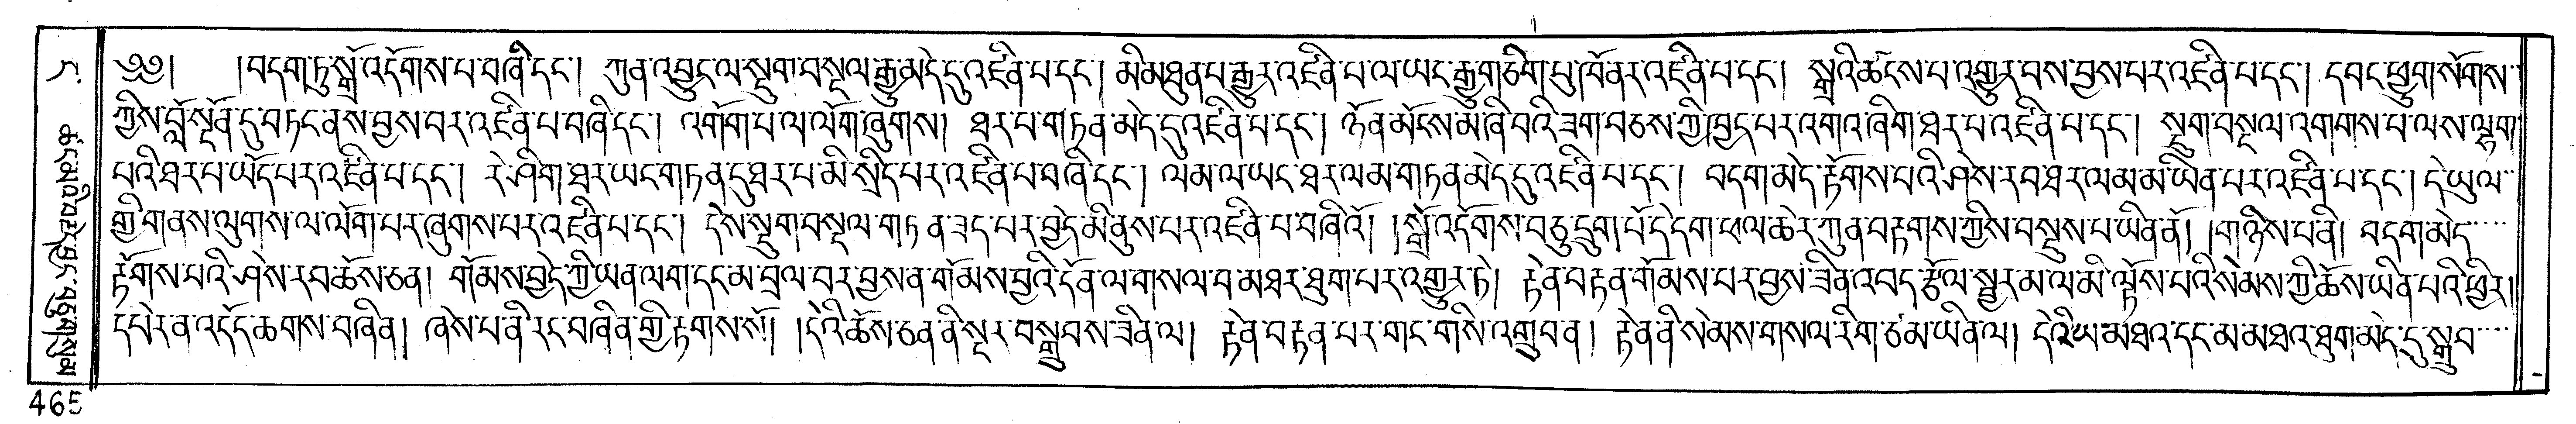༄༅། །བདག་ཏུ་སྒྲོ་འདོགས་པ་བཞི་དང་། ཀུན་འབྱུང་ལ་སྡུག་བསྔལ་རྒྱུ་མེད་དུ་འཛིན་པ་དང་། མི་མཐུན་པ་རྒྱུར་འཛིན་པ་ལ་ཡང་རྒྱུ་གཅིག་པུ་ཁོ་ནར་འཛིན་པ་དང་། སྒྲའི་ཆེངས་པ་འགྱུར་བས་བྱས་པར་འཛིན་པ་དང་། དབང་ཕྱུག་སོགས་
ཀྱིས་བློ་སྔོན་དུ་བཏང་ནས་བྱས་པར་འཛིན་པ་བཞི་དང་། འགོག་པ་ལ་ལོག་ཞུགས། ཐར་པ་གཏན་མེད་དུ་འཛིན་པ་དང་། ཉོན་མོངས་མ་ཞི་བའི་ཟག་བཅས་ཀྱི་ཁྱད་པར་འགའ་ཞིག་ཐར་པ་འཛིན་པ་དང་། སྡུག་བསྔལ་འགགས་པ་ལས་ལྷག་
པའི་ཐར་པ་ཡོད་པར་འཛིན་པ་དང་། རེ་ཤིག་ཐར་ཡང་གཏན་དུ་ཐར་པ་མི་སྲིད་པར་འཛིན་པ་བཞི་དང་། ལམ་ལ་ཡང་ཐར་ལམ་གཏན་མེད་དུ་འཛིན་པ་དང་། བདག་མེད་རྟོགས་པའི་ཤེས་རབ་ཐར་ལམ་མ་ཡིན་པར་འཛིན་པ་དང་། དེ་ཡུལ་
གྱི་གནས་ལུགས་ལ་ལོག་པར་ཞུགས་པར་འཛིན་པ་དང་། དེས་སྡུག་བསྔལ་གཏན་ཟད་པར་བྱེད་མི་ནུས་པར་འཛིན་པ་བཞིའོ། །སྒྲོ་འདོགས་བཅུ་དྲུག་པོ་དེ་དག་ཕལ་ཆེར་ཀུན་བརྟགས་ཀྱིས་བསྡུས་པ་ཡིན་ནོ། །གཉིས་པ་ནི། བདག་མེད་
རྟོགས་པའི་ཤེས་རབ་ཆོས་ཅན། གོམས་བྱེད་ཀྱི་ཡན་ལག་དང་མ་བྲལ་བར་བྱས་ན་གོམས་བྱའི་དོན་ལ་གསལ་བ་མཐར་ཐུག་པར་འགྱུར་ཏེ། རྟེན་བརྟན་གོམས་པར་བྱས་ཟིན་འབད་རྩོལ་སྐྱར་མ་ལ་མི་ལྟོས་པའི་སེམས་ཀྱི་ཆོས་ཡིན་པའི་ཕྱིར།
དཔེར་ན་འདོད་ཆགས་བཞིན། ཞེས་པ་ནི་རང་བཞིན་གྱི་རྟགས་སོ། །དེའི་ཆོས་ཅན་ནི་སྔར་བསྒྲུབས་ཟིན་ལ། རྟེན་བརྟན་པར་གང་གིས་འགྲུབ་ན། རྟེན་ནི་སེམས་གསལ་རིག་ཙམ་ཡིན་ལ། དེའི་ཡ་མཐའ་དང་མ་མཐའ་ཐུག་མེད་དུ་སྒྲུབ་